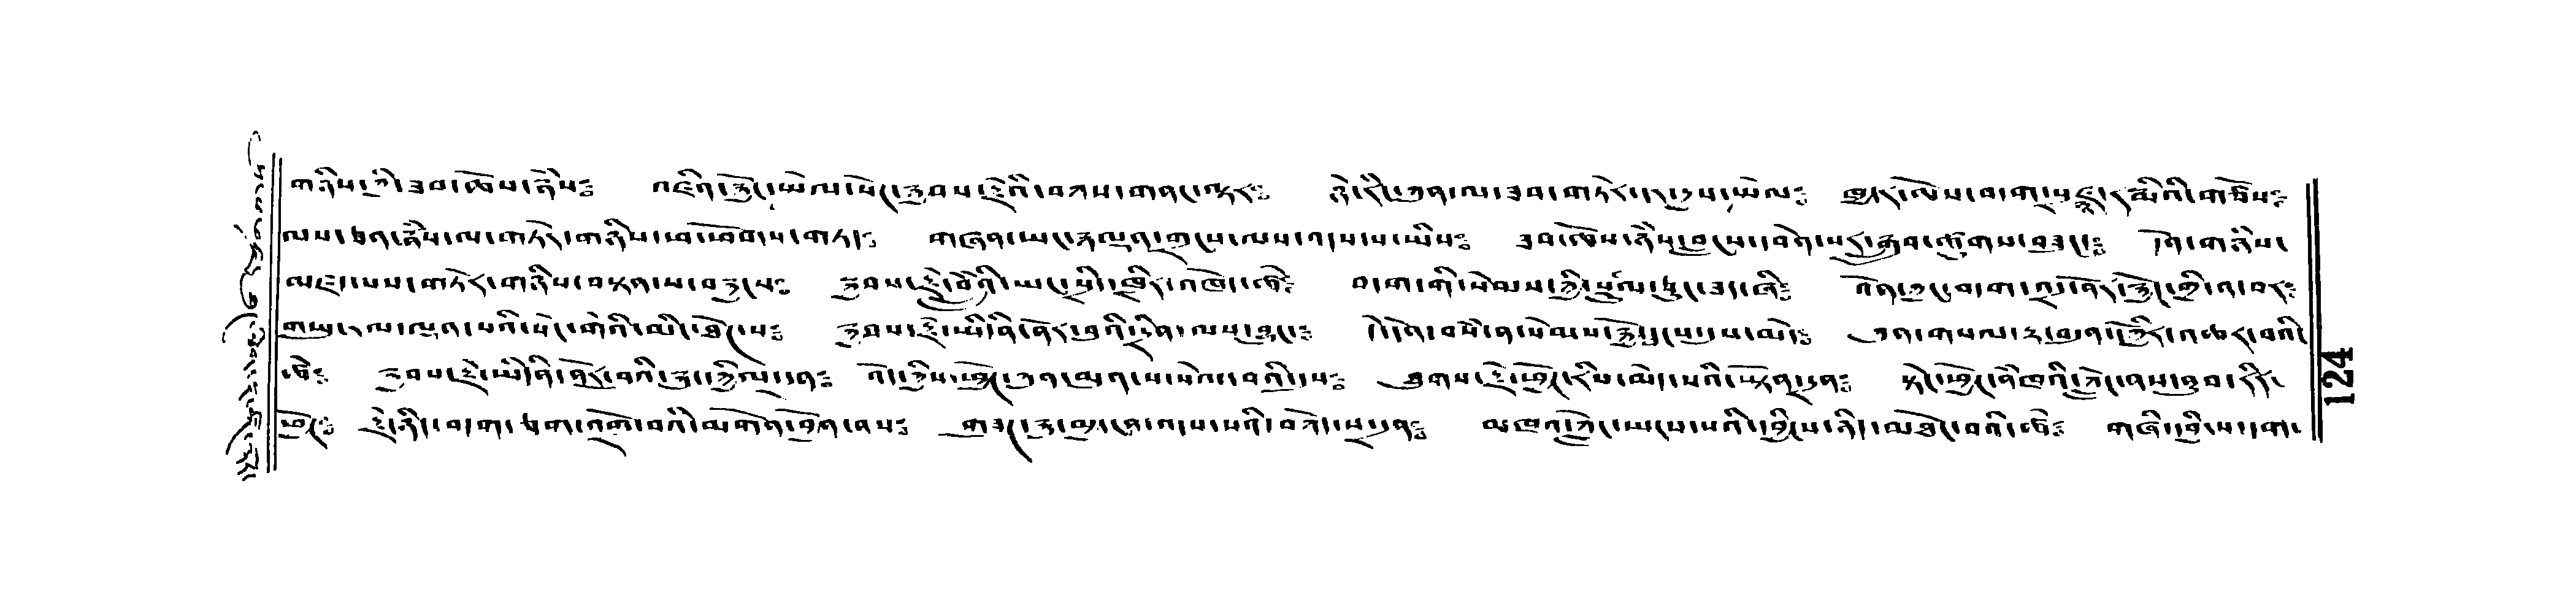གཉིས་ཀྱི་ཟབ་ཆོས་རྣམས༔འཛིན་སྐྱོང་སྤེལ་སོགས་སྐྱབས་རྗེའི་བཀས་གནང་ལྟར༔ ཉེ་རིང་ཀུན་ལ་ཟབ་གཏེར་དར་རྒྱས་སྤེལ༔ ཁྱད་པར་ཆོས་བདག་པྲཛྙཱ་རསྨིའི་གཙོས༔ 
ལས་ཅན་རྣམས་ལ་གཏེར་གཉིས་ཕ་ཕོགས་གཏད༔ གཞན་ཡང་སྐལ་ལྡན་གྲངས་ལས་འདས་པ་ཡིས༔ ཟབ་ཆོས་ཉམས་བླངས་དབཻན་པར་སྒྲུབ་ཚུགས་བཟུང༔ དོན་གཉིས་
མཛད་པས་གཏེར་གཉིས་བསྟན་པ་བསྐྱངས༔ སྐྱབས་རྗེ་བླ་མའི་ཡང་སྲིད་ཁྲིར་འཁོད་ཚེ༔ བདག་གི་སེམས་ཀྱི་སྡུག་བསྔལ་ཅུང་ཟད་ཞི༔ འོན་ཀྱང་བདག་འདྲ་ནོར་སྐྱོང་གྱི་ན་བར༔ 
གཡུ་རལ་ལྡན་པའི་སེང་གེའི་མིང་ཐོགས་པ༔ སྐྱབས་རྗེ་ཡིད་བཞིན་ནོར་བུའི་དྲིན་ལས་བྱུང༔ དེ་དོན་བསམ་ན་སེམས་སྐྱོ་དྭངས་དུས་མེད༔ ཀུན་གསལ་རྟ་བདུན་དཀྱིལ་འཁོར་འཆར་བའི་
ཚེ༔ སྐྱབས་རྗེ་ཡིད་བཞིན་ནོར་བུའི་སྐུ་དཀྱིལ་དྲན༔ འོད་ཀྱིས་ཕྱོགས་ཀུན་མུན་པ་སེལ་བའི་དུས༔ ཐུགས་རྗེ་ཕྱོགས་རིས་མེད་པའི་ཡོན་ཏན་དྲན༔ སྟེང་ཕྱོགས་ནམ་མཁའི་ཀློང་ནས་ནུབ་རིར་
ཕྱོགས༔ རྗེ་ཉིད་བདག་ཅག་འགྲོ་བའི་མགོན་བྱོན་ནས༔ གཟུགས་སྐུ་མྱ་ངན་འདས་པའི་བཀོད་པ་དྲན༔ མཁའ་ཀློང་ཡངས་པའི་དབྱིངས་ཉིད་མཐོང་བའི་ཚེ༔ གཞི་དབྱིངས་དག་